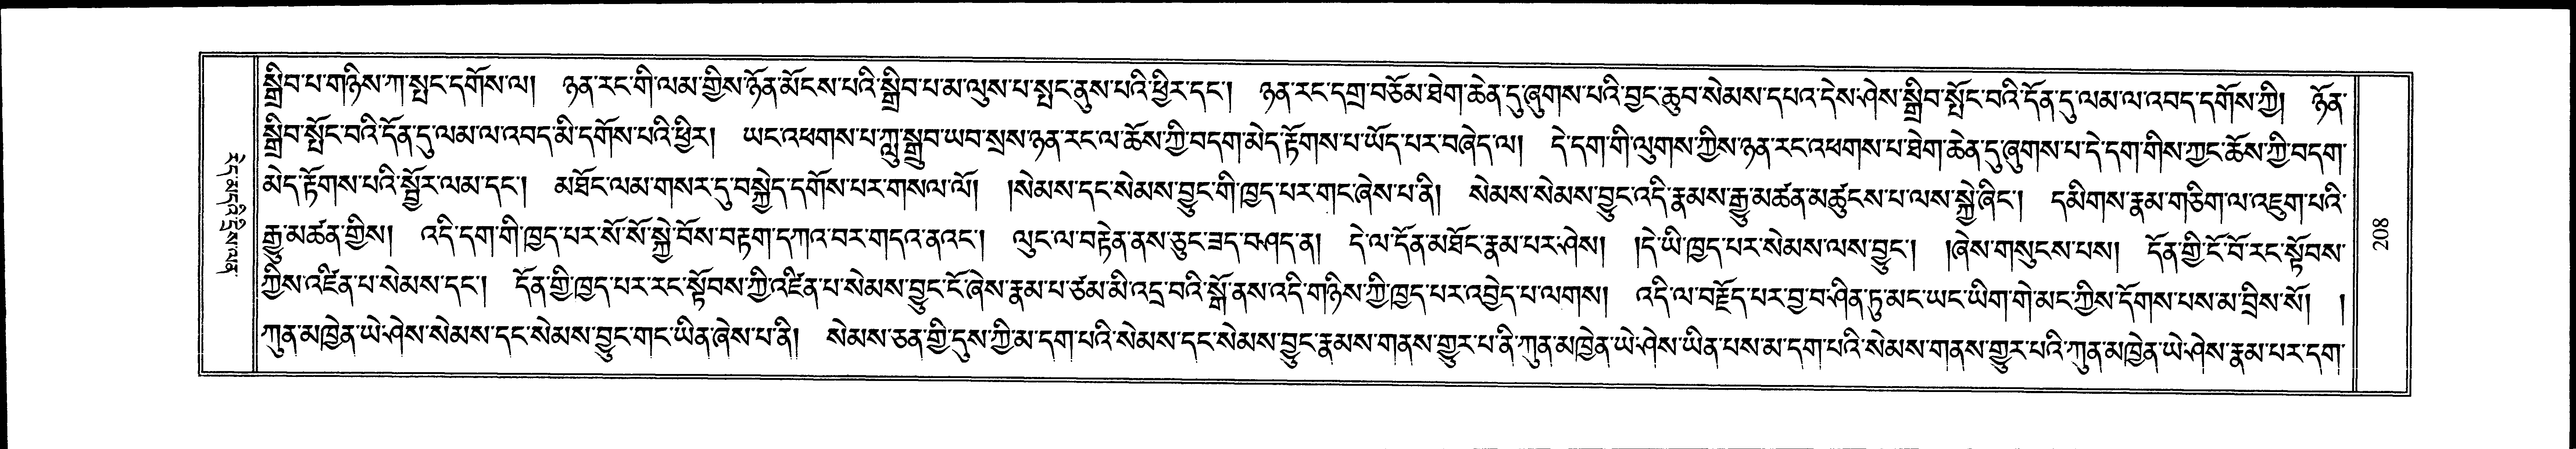སྒྲིབ་པ་གཉིས་ཀ་སྤང་དགོས་ལ། ཉན་རང་གི་ལམ་གྱིས་ཉོན་མོངས་པའི་སྒྲིབ་པ་མ་ལུས་པ་སྤང་ནུས་པའི་ཕྱིར་དང་། ཉན་རང་དགྲ་བཅོམ་ཐེག་ཆེན་དུ་ཞུགས་པའི་བྱང་ཆུབ་སེམས་དཔའ་དེས་ཤེས་སྒྲིབ་སྤོང་བའི་དོན་དུ་ལམ་ལ་འབད་དགོས་ཀྱི། ཉོན་
སྒྲིབ་སྤོང་བའི་དོན་དུ་ལམ་ལ་འབད་མི་དགོས་པའི་ཕྱིར། ཡང་འཕགས་པ་ཀླུ་སྒྲུབ་ཡབ་སྲས་ཉན་རང་ལ་ཆོས་ཀྱི་བདག་མེད་རྟོགས་པ་ཡོད་པར་བཞེད་ལ། དེ་དག་གི་ལུགས་ཀྱིས་ཉན་རང་འཕགས་པ་ཐེག་ཆེན་དུ་ཞུགས་པ་དེ་དག་གིས་ཀྱང་ཆོས་ཀྱི་བདག་
མེད་རྟོགས་པའི་སྦྱོར་ལམ་དང་། མཐོང་ལམ་གསར་དུ་བསྐྱེད་དགོས་པར་གསལ་ལོ། །སེམས་དང་སེམས་བྱུང་གི་ཁྱད་པར་གང་ཞེས་པ་ནི། སེམས་སེམས་བྱུང་འདི་རྣམས་རྒྱུ་མཚན་མཚུངས་པ་ལས་སྐྱེ་ཞིང་། དམིགས་རྣམ་གཅིག་ལ་འཇུག་པའི་
རྒྱུ་མཚན་གྱིས། འདི་དག་གི་ཁྱད་པར་སོ་སོ་སྐྱེ་བོས་བརྟག་དཀའ་བར་གདའ་ནའང་། ལུང་ལ་བརྟེན་ནས་ཅུང་ཟད་བཤད་ན། དེ་ལ་དོན་མཐོང་རྣམ་པར་ཤེས། །དེ་ཡི་ཁྱད་པར་སེམས་ལས་བྱུང་། །ཞེས་གསུངས་པས། དོན་གྱི་ངོ་བོ་རང་སྟོབས་
ཀྱིས་འཛིན་པ་སེམས་དང་། དོན་གྱི་ཁྱད་པར་རང་སྟོབས་ཀྱི་འཛིན་པ་སེམས་བྱུང་ངོ་ཞེས་རྣམ་པ་ཙམ་མི་འདྲ་བའི་སྒོ་ནས་འདི་གཉིས་ཀྱི་ཁྱད་པར་འབྱེད་པ་ལགས། འདི་ལ་བརྗོད་པར་བྱ་བ་ཤིན་ཏུ་མང་ཡང་ཡིག་གེ་མང་ཀྱིས་དོགས་པས་མ་བྲིས་སོ། །
ཀུན་མཁྱེན་ཡེ་ཤེས་སེམས་དང་སེམས་བྱུང་གང་ཡིན་ཞེས་པ་ནི། སེམས་ཅན་གྱི་དུས་ཀྱི་མ་དག་པའི་སེམས་དང་སེམས་བྱུང་རྣམས་གནས་གྱུར་པ་ནི་ཀུན་མཁྱེན་ཡེ་ཤེས་ཡིན་པས་མ་དག་པའི་སེམས་གནས་གྱུར་པའི་ཀུན་མཁྱེན་ཡེ་ཤེས་རྣམ་པར་དག་